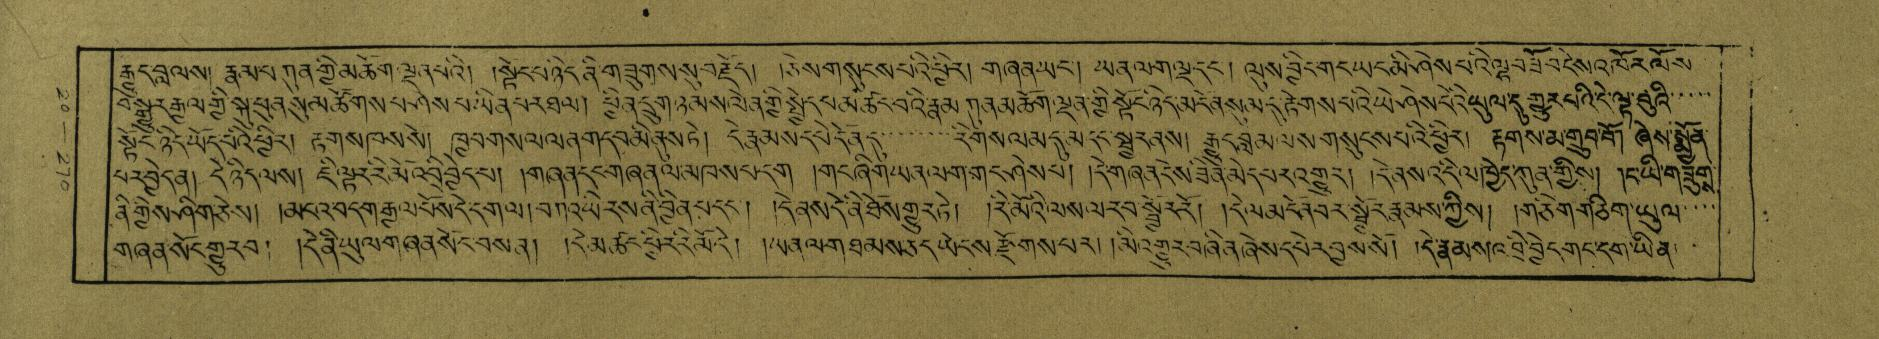རྒྱུད་བླ་ལས། རྣམ་པ་ཀུན་གྱི་མཆོག་ལྡན་པའི། །སྟོང་པ་ཉིད་ནི་གཟུགས་སུ་བརྗོད། །ཅེས་གསུངས་པའི་ཕྱིར། གཞན་ཡང་། ཡན་ལག་ལྔ་དང་། ལུས་བྱིང་གང་ཡང་མི་ཤེས་པའི་ལྷ་བཟོ་བ་དེས་འཁོར་ལོས་
བསྒྱུར་རྒྱལ་གྱི་སྐུ་ཕུན་སུམ་ཚོགས་པ་ཤེས་པ་ཡིན་པར་ཐལ། ཕྱིན་དྲུག་ཉམས་ལེན་གྱི་སྤྱོད་པ་མ་ཚང་བའི་རྣམ་ཀུན་མཆོག་ལྡན་གྱི་སྟོང་ཉིད་མངོན་སུམ་དུ་རྟོགས་པའི་ཡེ་ཤེས་དེའི་ཡུལ་དུ་གྱུར་པའི་དེ་ལྟ་བུའི་
སྟོང་ཉིད་ཡོད་པའི་ཕྱིར། རྟགས་ཁས་སོ། ཁྱབ་གསལ་ལན་གདབ་མི་ནུས་ཏེ། དེ་རྣམས་དཔེ་དོན་དུ་རིགས་ལམ་དུ་མ་དང་སྦྱར་ནས། རྒྱུད་བླ་མ་ལས་གསུངས་པའི་ཕྱིར། རྟགས་མ་གྲུབ་བོ། ཞེས་སྨྱོན་
པར་བྱེད་ན། དེ་ཉིད་ལས། ཇི་ལྟར་རི་མོ་འབྲི་བྱེད་པ། །གཞན་དང་གཞན་ལ་མཁས་པ་དག །གང་ཞིག་ཡན་ལག་གང་ཤེས་པ། །དེ་གཞན་ངེས་ཟིན་མེད་པར་འགྱུར། །དེ་ནས་འདི་ལ་ཁྱེད་ཀུན་གྱིས། །ང་ཡི་གཟུགས་
ནི་གྱིས་ཤིག་ཅེས། །མངའ་བདག་རྒྱལ་པོས་དེ་དག་ལ། བཀའ་ཡི་རས་ནི་བྱིན་པ་དང་། །དེ་ནས་དེ་ནི་ཐོས་གྱུར་ཏེ། །རི་མོའི་ལས་ལ་རབ་སྦྱོར་རོ། །དེ་ལ་མངོན་བར་སྦྱོར་རྣམས་ཀྱིས། །གཅིག་གཅིག་ཡུལ་
གཞན་སོང་གྱུར་བ། །དེ་ནི་ཡུལ་གཞན་སོང་བས་ན། །དེ་མ་ཚང་ཕྱིར་རི་མོ་དེ། །ཡན་ལག་ཐམས་ཅད་ཡོངས་རྫོགས་པར། །མི་འགྱུར་བཞིན་ཞེས་དཔེར་བྱས་སོ། །དེ་རྣམས་འབྲི་བྱེད་གང་དག་ཡིན། །